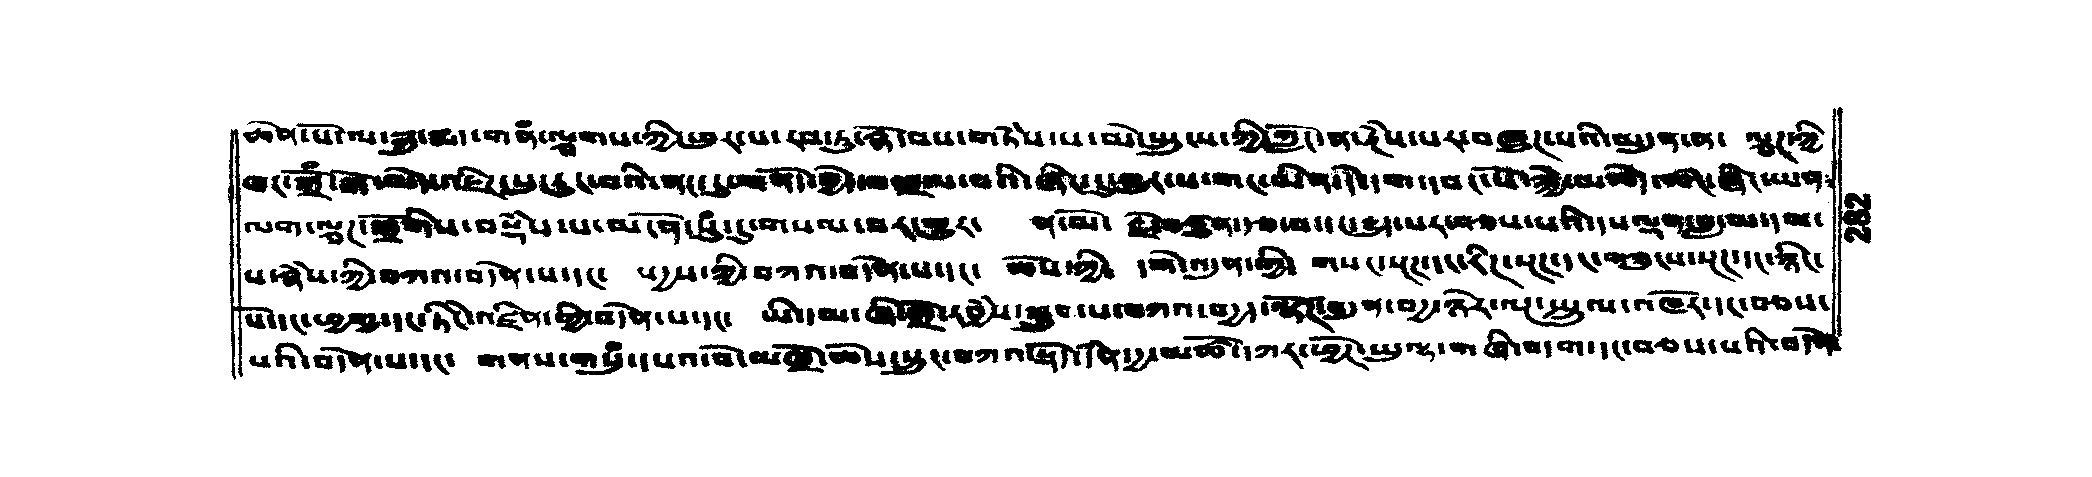ཆེན་པོ་ལ་སྐུ་སྨད་གནམ་ལྕགས་ཀྱི་ཕུར་པ་རབ་ཏུ་རྣོ་བས་གཏམས་པ་མེ་སྤུངས་ཀྱི་ཀློང་ན་རྔམས་པར་བཞུགས་པའི་མདུན་ན། ལྕགས་ཀྱི་
ཁང་སྒྲོམ་སྒོ་མེད་འཇིགས་སུ་རུང་བའི་ནང་དུ་གནོད་བྱེད་བསྒྲལ་བའི་ཞིང་དུ་གྱུར་པ་གང་ཡིན་དེ་དག་དབང་པོ་སྐྱེ་མཆེད་ཚང་ཞིང་ཡན་
ལག་ལྕགས་སྒྲོག་གིས་བསྡམས་པ་མངོན་སུམ་དུ་གསལ་བར་གྱུར། ན་མོ། རྗེ་བཙུན་རྩ་བ་དང་རྒྱུད་པར་བཅས་པའི་དཔལ་ལྡན་བླ་མ་དམ་
པ་རྣམས་ཀྱི་བཀའ་བདེན་པ་དང་། སངས་རྒྱས་ཀྱི་བཀའ་བདེན་པ་དང་། ཆོས་ཀྱི་༴ དགེ་འདུན་གྱི་༴གསང་སྔགས་རིགས་སྔགས་དང་གཟུངས་སྔགས་དང་སྙིང་
པོ་དང་ཕྱག་རྒྱ་དང་ཏིང་ངེ་འཛིན་གྱི་བདེན་པ་དང་། ཡི་དམ་ཞོ་ཁྲོ་རབ་འབྱམས་སྒྲུབ་པ་བཀའ་བརྒྱད་ལྷ་ཚོགས་བདུན་བརྒྱ་ཉེར་ལྔ་སྤྲུལ་འཁོར་དང་བཅས་
པའི་བདེན་པ་དང་། གནས་གསུམ་དཔའ་བོ་མཁའ་འགྲོ་ཆོས་སྲུང་བཀའ་སྡོད་དམ་ཅན་རྒྱ་མཚོ་དཀར་ཕྱོགས་ཡུལ་ལྷ་གཞི་བདག་དང་བཅས་པའི་བདེན་